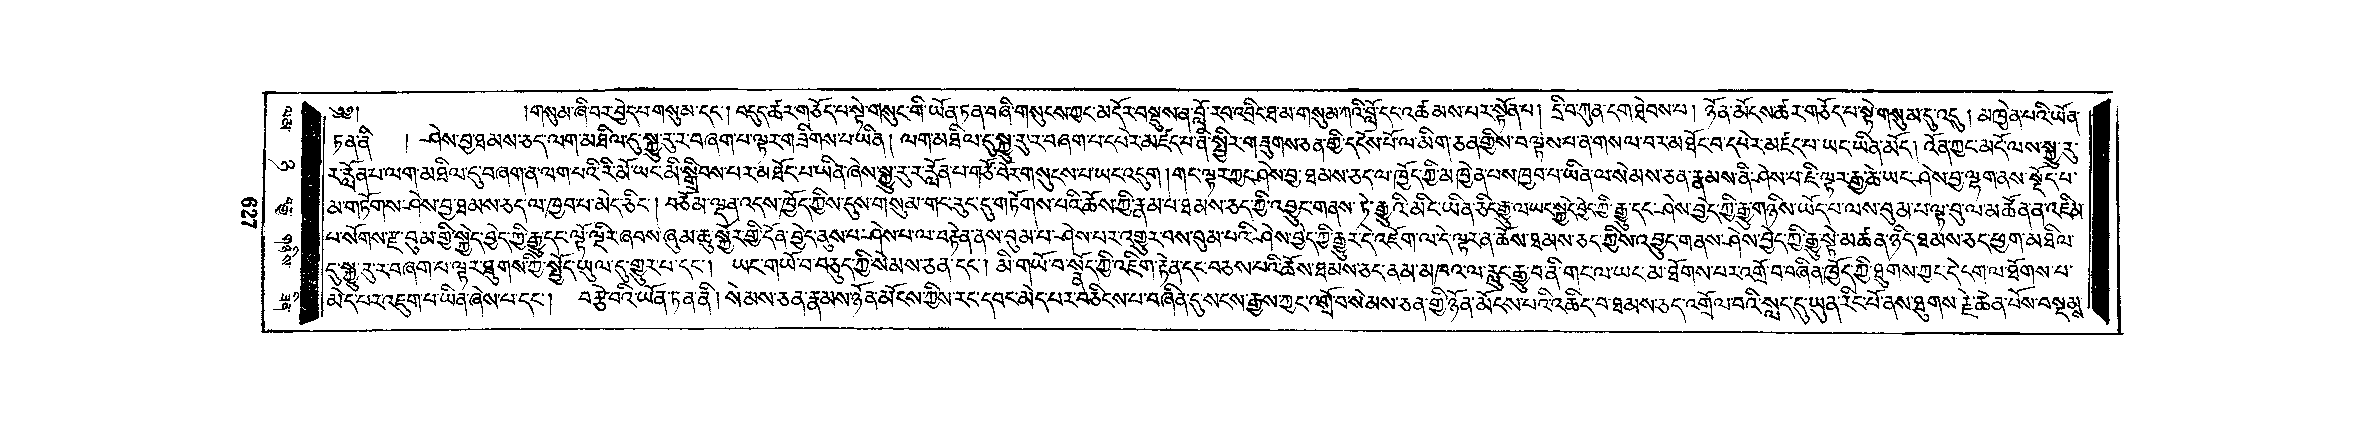༄༅། །གསུམ་ཞི་བར་བྱེད་པ་གསུམ་དང་། བདུད་ཚར་གཅོད་པ་སྟེ་གསུང་གི་ཡོན་ཏན་བཞི་གསུངས་ཀྱང་མདོར་བསྡུས་ན་བློ་རབ་འབྲིང་ཐ་མ་གསུམ་ཀའི་བློ་དང་འཚམས་པར་སྟོན་པ། དྲི་བ་ཀུན་དག་ཐེབས་པ། ཉོན་མོངས་ཚར་གཅོད་པ་སྟེ་གསུམ་དུ་འདུ། མཁྱེན་པའི་ཡོན་
ཏན་ནི། ཤེས་བྱ་ཐམས་ཅད་ལག་མཐིལ་དུ་སྐྱུ་རུ་ར་བཞག་པ་ལྟར་གཟིགས་པ་ཡིན། ལག་མཐིལ་དུ་སྐྱུ་རུ་ར་བཞག་པ་དཔེར་མཛད་པ་ནི་སྤྱིར་གཟུགས་ཅན་གྱི་དངོས་པོ་ལ་མིག་ཅན་གྱིས་བལྟས་པ་ན་གསལ་བར་མཐོང་བ་དཔེར་མཛད་པ་ཡང་ཡིན་མོད། འོན་ཀྱང་མདོ་ལས་སྐྱུ་རུ་
ར་རློན་པ་ལག་མཐིལ་དུ་བཞག་ན་ལག་པའི་རི་མོ་ཡང་མི་སྒྲིབས་པར་མཐོང་པ་ཡིན་ཞེས་སྐྱུ་རུ་ར་རློན་པ་གཙོ་བོར་གསུངས་པ་ཡང་འདུག། གང་ལྟར་ཀྱང་ཤེས་བྱ་ཐམས་ཅད་ལ་ཁྱོད་ཀྱི་མཁྱེན་པས་ཁྱབ་པ་ཡིན་ལ་སེམས་ཅན་རྣམས་ནི་ཤེས་པ་ཇི་ལྟར་རྒྱ་ཆེ་ཡང་ཤེས་བྱ་ལྷག་ནས་སྡོད་པ་
མ་གཏོགས་ཤེས་བྱ་ཐམས་ཅད་ལ་ཁྱབ་པ་མེད་ཅིང་། བཅོམ་ལྡན་འདས་ཁྱོད་ཀྱིས་དུས་གསུམ་གང་རུང་དུ་གཏོགས་པའི་ཆོས་ཀྱི་རྣམ་པ་ཐམས་ཅད་ཀྱི་འབྱུང་གནས་ཏེ་རྒྱུའི་མིང་ཡིན་ཅིང་རྒྱུ་ལ་ཡང་སྐྱེད་བྱེད་ཀྱི་རྒྱུ་དང་ཤེས་བྱེད་ཀྱི་རྒྱུ་གཉིས་ཡོད་པ་ལས་བུམ་པ་ལྟ་བུ་ལ་མཚོན་ན་འཇིམ་
པ་སོགས་རྫ་བུམ་གྱི་སྐྱེད་བྱེད་ཀྱི་རྒྱུ་དང་ལྟོ་ལྡིར་ཞབས་ཞུམ་ཆུ་སྐྱོར་གྱི་དོན་བྱེད་ནུས་པ་ཤེས་པ་ལ་བརྟེན་ནས་བུམ་པ་ཤེས་པར་འགྱུར་བས་བུམ་པའི་ཤེས་བྱེད་ཀྱི་རྒྱུར་དེ་འཇོག་ལ་དེ་ལྟར་ན་ཆོས་ཐམས་ཅད་ཀྱིས་འབྱུང་གནས་ཤེས་བྱེད་ཀྱི་རྒྱུ་སྟེ་མཚན་ཉིད་ཐམས་ཅད་ཕྱག་མཐིལ་
དུ་སྐྱུ་རུ་ར་བཞག་པ་ལྟར་ཐུགས་ཀྱི་སྤྱོད་ཡུལ་དུ་གྱུར་པ་དང་། ཡང་གཡོ་བ་བཅུད་ཀྱི་སེམས་ཅན་དང་། མི་གཡོ་བ་སྣོད་ཀྱི་འཇིག་རྟེན་དང་བཅས་པའི་ཆོས་ཐམས་ཅད་ནམ་མཁའ་ལ་རླུང་རྒྱུ་བ་ནི་གང་ལ་ཡང་མ་ཐོགས་པར་འགྲོ་བ་བཞིན་ཁྱོད་ཀྱི་ཐུགས་ཀྱང་དེ་དག་ལ་ཐོགས་པ་
མེད་པར་འཇུག་པ་ཡིན་ཞེས་པ་དང་། བརྩེ་བའི་ཡོན་ཏན་ནི། སེམས་ཅན་རྣམས་ཉོན་མོངས་ཀྱིས་རང་དབང་མེད་པར་བཅིངས་པ་བཞིན་དུ་སངས་རྒྱས་ཀྱང་འགྲོ་བ་སེམས་ཅན་གྱི་ཉོན་མོངས་པའི་འཆིང་བ་ཐམས་ཅད་འགྲོ་བའི་སླད་དུ་ཡུན་རིང་པོ་ནས་ཐུགས་རྗེ་ཆེན་པོས་བསྡམས་